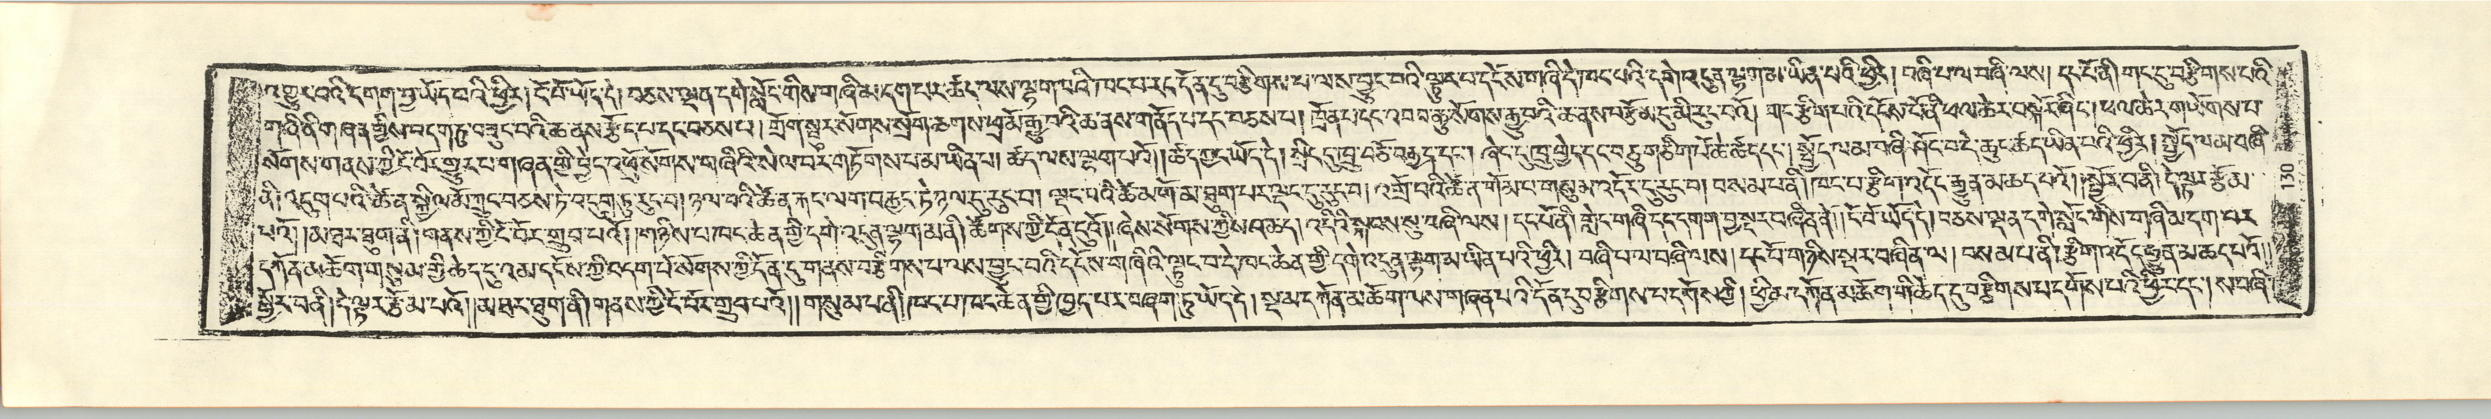འགྱུར་བའི་དགག་བྱ་ཡོད་པའི་ཕྱིར། ངོ་བོ་ཡོད་དེ། བཅས་ལྡན་དགེ་སློང་གིས་གཞི་མ་དག་པར་ཚད་ལས་ལྷག་པའི་ཁང་པ་རང་དོན་དུ་བརྩིགས་པ་ལས་བྱུང་བའི་ལྟུང་བ་དངོས་གཞི་དེ་ཁང་པའི་དགེ་འདུན་ལྷག་མ་ཡིན་པའི་ཕྱིར། བཞི་པ་ལ་བཞི་ལས། དང་པོ་ནི། གང་དུ་བརྩིགས་པའི་
གཞི་ནི་གཞན་གྱིས་བདག་ཏུ་བཟུང་བའི་ཆ་ནས་རྩོད་པ་དང་བཅས་པ། གྲོག་སྦུར་སོགས་སྲིག་ཆགས་ཕྲ་མོ་རྒྱུ་བའི་ཆ་ནས་གནོད་པ་དང་བཅས་པ། ཁྲོན་པ་དང་འབབ་ཆུ་སོགས་རྒྱུ་པའི་ཅཧ་ནས་བརྩོམ་དུ་མི་རུང་བའོ། གང་རྩིག་པའི་དངོས་པོ་ནི་ཕལ་ཆེར་བསྐོར་ཞིང་། ཕལ་ཆེར་གཡོགས་པ་
སོགས་གནས་ཀྱི་ངོ་བོར་གྱུར་པ་གཞན་གྱི་བྱེད་འཁྲོ་སོགས་གཞིའི་སེསལ་བར་གཏོགས་པ་མ་ཡིན་པ། ཚད་ལས་ལྷག་པའོ། །ཚད་ཀྱང་ཡོད་དེ། སྲིད་དུ་ཁྲུ་བཅོ་བརྒྱད་དང་། ཞེང་དུ་ཁྲུ་གྱེད་དང་བཅུ་གཅིག་པོ་ཆེ་ཚད་དང་། སྦྱོད་ལམ་བཞི་ཤོང་བ་དེ་ཆུང་ཚད་ཡིན་པའི་ཕྱིར། སྤྱོད་ལམ་བཞི་
ནི༑ འདུག་པའི་ཚེ་ན་སྐྱི་ལ་མོ་ཀྲུང་བཅས་ཏེ་འདུག་ཏུ་རུང་བ། ཉལ་བའི་ཚེ་ན་རྐང་ལག་བརྐྱང་ཏེ་ཉལ་དུ་རང་བ། ལྡང་བའི་ཚེ་མགོ་མ་ཐུབ་པར་ལྡང་དུ་རང་བ། འགྲོ་བའི་ཚེ་ན་གོམ་པ་གསུམ་འདོར་དུ་རུང་བ། བསམ་པ་ནི། ཁང་པ་རྩིག་འདོང་རྒྱུན་མ་ཆད་པའོ། །སྦྱོར་བ་ནི། དེ་ལྟར་རྩོམ་
པའོ། །མཐར་ཐུག་ནི། གནས་ཀྱི་ངོ་བོར་གྲུབ་པའོ། །གཉིས་པ་ཁང་ཆེན་གྱི་དགེ་འདུན་ལྷག་མ་ནི། ཚོགས་ཀྱི་དོན་དུའོ། །ཞེས་སོགས་ཀྱིས་འཆད། འདིའི་སྐབས་སུ་བཞི་ལས། དང་པོ་ནི། གླེང་གཞི་དང་དགག་བྱ་སྔར་བཞིན་ནོ། །ངོ་བོ་ཡོད་དེ། བཅས་ལྡན་དགེ་སློང་གིས་གཞི་མ་དག་པར་
དཀོན་མཆོག་གསུམ་གྱི་ཆེད་དུ་འམ་དངོས་ཀྱི་བདག་པོ་སོགས་ཀྱི་དོན་དུ་གནས་བརྩིགས་པ་ལས་བྱུང་བའི་དངོས་གཞིའི་ལྟུང་བ་དེ་ཁང་ཆེན་གྱི་དགེ་འདུན་ལྷག་མ་ཡིན་པའི་ཕྱིར། བཞི་པ་ལ་བཞི་ལས། དང་པོ་གཉིས་སྔར་བཞིན་ལ། བསམ་པ་ནི། རྩིག་འདོད་རྒྱུན་མ་ཆད་པའོ། །
སྦྱོར་བ་ནི། དེ་ལྟར་རྩོམ་པའོ། །མཐར་ཐུག་ནི། གནས་ཀྱི་ངོ་བོར་གྲུབ་པའོ། །གསུམ་པ་ནི། ཁང་པ་ཁང་ཆེན་གྱི་ཁྱད་པར་བཞག་ཏུ་ཡོད་དེ། སྔ་མ་དཀོན་མཆོག་ལས་གཞན་པའི་དོན་དུ་བརྩིགས་པ་དགོས་ཀྱི། ཕྱི་མ་དཀོན་མཆོག་གི་ཆེད་དུ་བརྩིགས་པ་དགོས་པའི་ཕྱིར་དང་། ས་བཞི་